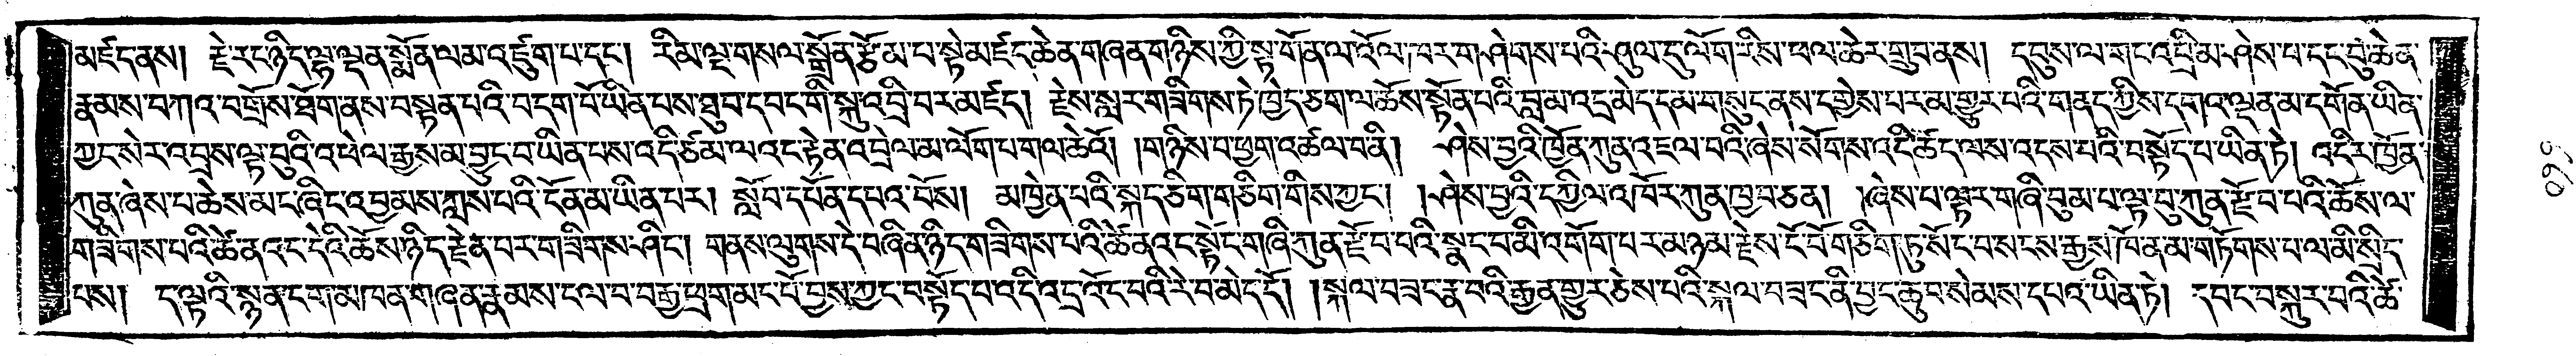མཛད་ནས། རྗེ་རང་ཉིད་ལྷ་ལྡན་སྨོན་ལམ་འཛུག་པ་དང་། རིམ་ལྔ་གསལ་སྒྲོན་རྩོམ་པ་སྟེ་མཛད་ཚེན་གཞན་གཉིས་ཀྱི་སྟ་གོན་ལ་འོལ་ཁར་གཤེགས་པའི་ཤུལ་དུ་ལོག་རིས་ཕལ་ཆེར་གྲུབ་ནས། དབུས་ལ་གང་འབྲིམ་ཤེས་པ་དང་བུ་ཆེན་
རྣམས་བཀའ་བགྲོས་ཐོག་ནས་བསྟན་པའི་བདག་པོ་ཡིན་པས་ཐུབ་དབང་གི་སྐུ་འབྲི་བར་མཛད། རྗེས་སླར་གཟིགས་ཏེ་ཁྱེད་ཅག་ལ་ཆོས་སྟོན་པའི་བླ་མ་འདྲ་མེད་དམ་གསུང་ནས་དགྱེས་པར་མ་གྱུར་པའི་གནད་ཀྱིས་དགའ་ལྡན་མ་དགོན་ཡིན་
ཀྱང་སེར་འབྲས་ལྟ་བུའི་འཕེལ་རྒྱས་མ་བྱུང་བ་ཡིན་པས་འདི་ཙམ་ལའང་རྟེན་འབྲེལ་མ་ལོག་པ་གལ་ཆེའོ། །གཉིས་པ་ཕྱག་འཚལ་བ་ནི། ཤེས་བྱའི་ཁྱོན་ཀུན་འཇལ་བའི་ཞེས་སོགས་འདི་ཚད་ལས་འདས་པའི་བསྟོད་པ་ཡིན་ཏེ། འདིར་ཁྱོན་
ཀུན་ཞེས་པ་ཆེས་མང་ཞིང་འབྱམས་ཀླས་པའི་དོན་མ་ཡིན་པར། སློབ་དཔོན་དཔའ་བོས། མཁྱེན་པའི་སྐད་ཅིག་གཅིག་གིས་ཀྱང་། །ཤེས་བྱའི་དཀྱིལ་འཁོར་ཀུན་ཁྱབ་ཅན། །ཞེས་བ་ལྟར་གཞི་བུམ་པ་ལྟ་བུ་ཀུན་རྫོབ་པའི་ཆོས་ལ་
གཟིགས་པའི་ཚེ་ནའང་དེའི་ཆོས་ཉིད་རྗེན་པར་གཟིགས་ཤིང་། །ནས་ལུགས་དེ་བཞིན་ཉིད་གཟིགས་པའི་ཚེ་ནའང་སྟོང་གཞི་ཀུན་རྫོབ་ཧྤའི་སྣང་བ་མི་འགོག་པར་མཉམ་རྗེས་ངོ་བོ་གཅིག་ཏུ་སོང་བསངས་རྒྱས་ཁོ་ནམ་གཏོགས་པ་ལ་མི་སྲིད་
བས། །ད་ལྟའི་སྙན་ངག་མཁན་གཞན་རྣམས་ངལ་བ་བརྒྱ་ཕྲག་མང་པོ་བྱས་ཀྱང་བསྟོད་པ་འདི་འདྲ་འོང་བའི་རེ་བ་མེད་དོ། །སྐལ་བཟང་རྣ་བའི་རྒྱན་གྱུར་ཅེས་པའི་སྐལ་བཟང་ནི་བྱང་ཆུབ་སེམས་དཔའ་ཡིན་ཏེ། དབང་བསྐུར་བའི་ཚ་